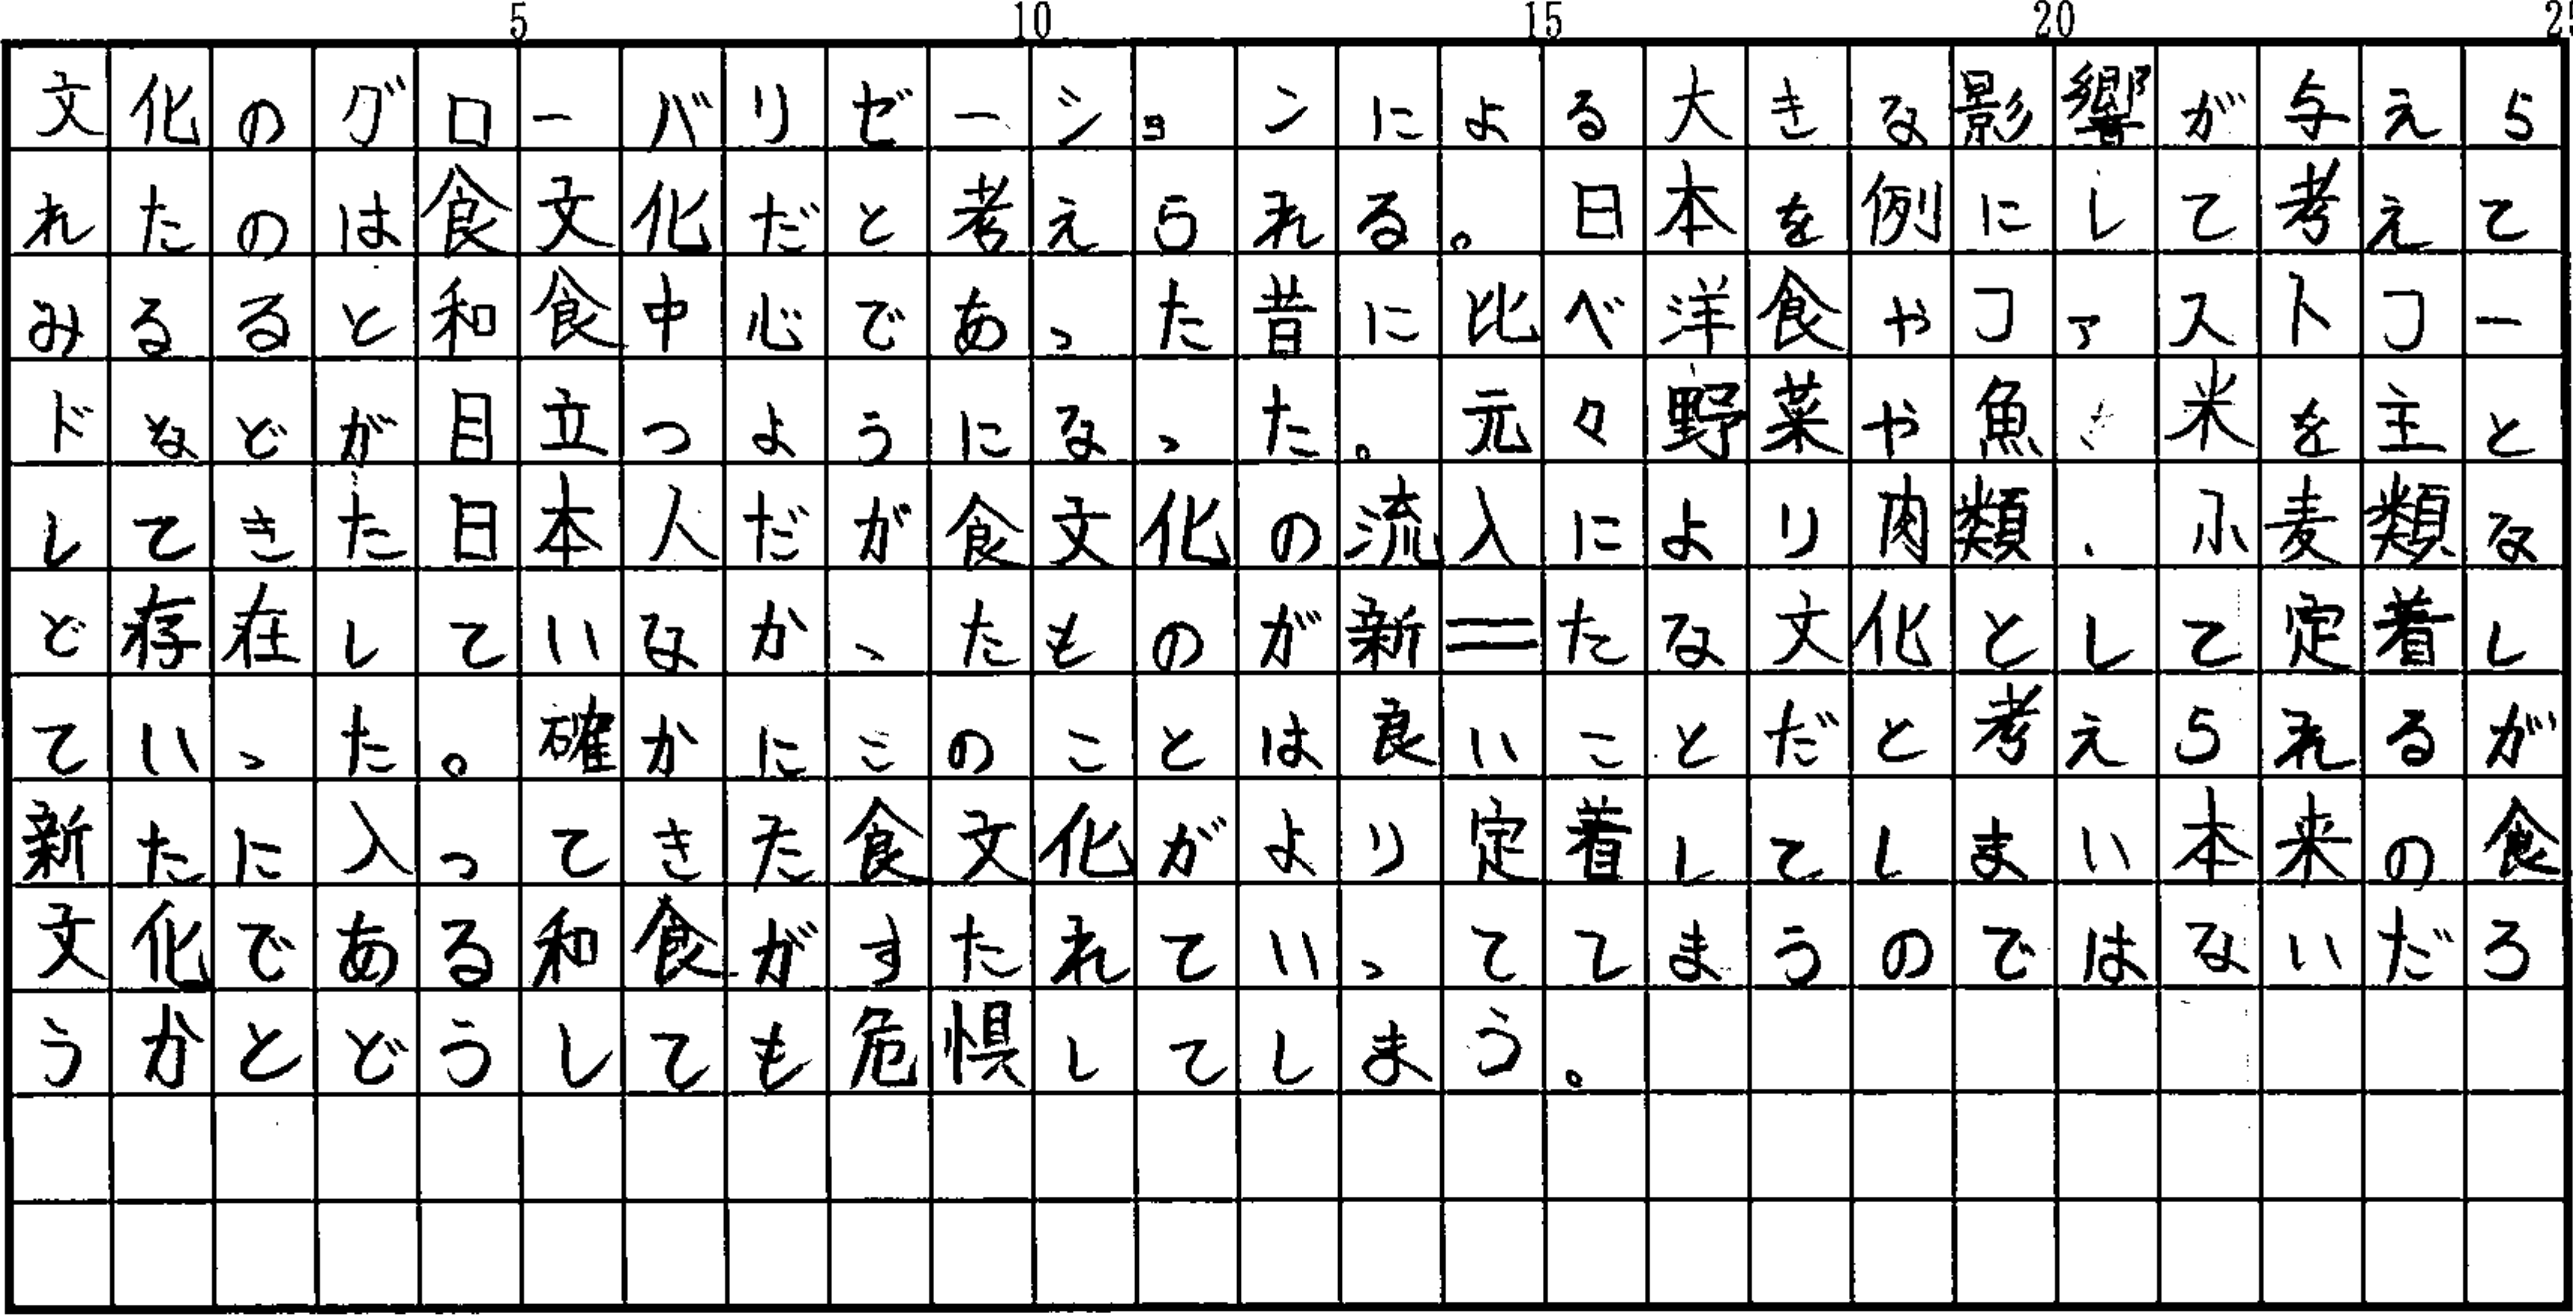文化のグローバリゼーションによる大きな影響が与えられたのは食文化だと考えられる。日本を例にして考えてみるると和食中心であった昔に比べ洋食やファストフードなどが目立つようになった。元々野菜や魚、米を主としてきた日本人だが食文化の流入により肉類、小麦類など存在していなかったものが新＝たな文化として定着していった。確かにこのことは良いことだと考えられるが新たに入ってきた食文化がより定着してしまい本来の食文化である和食がすたれていっててまうのではないだろうかとどうしても危惧してしまう。
